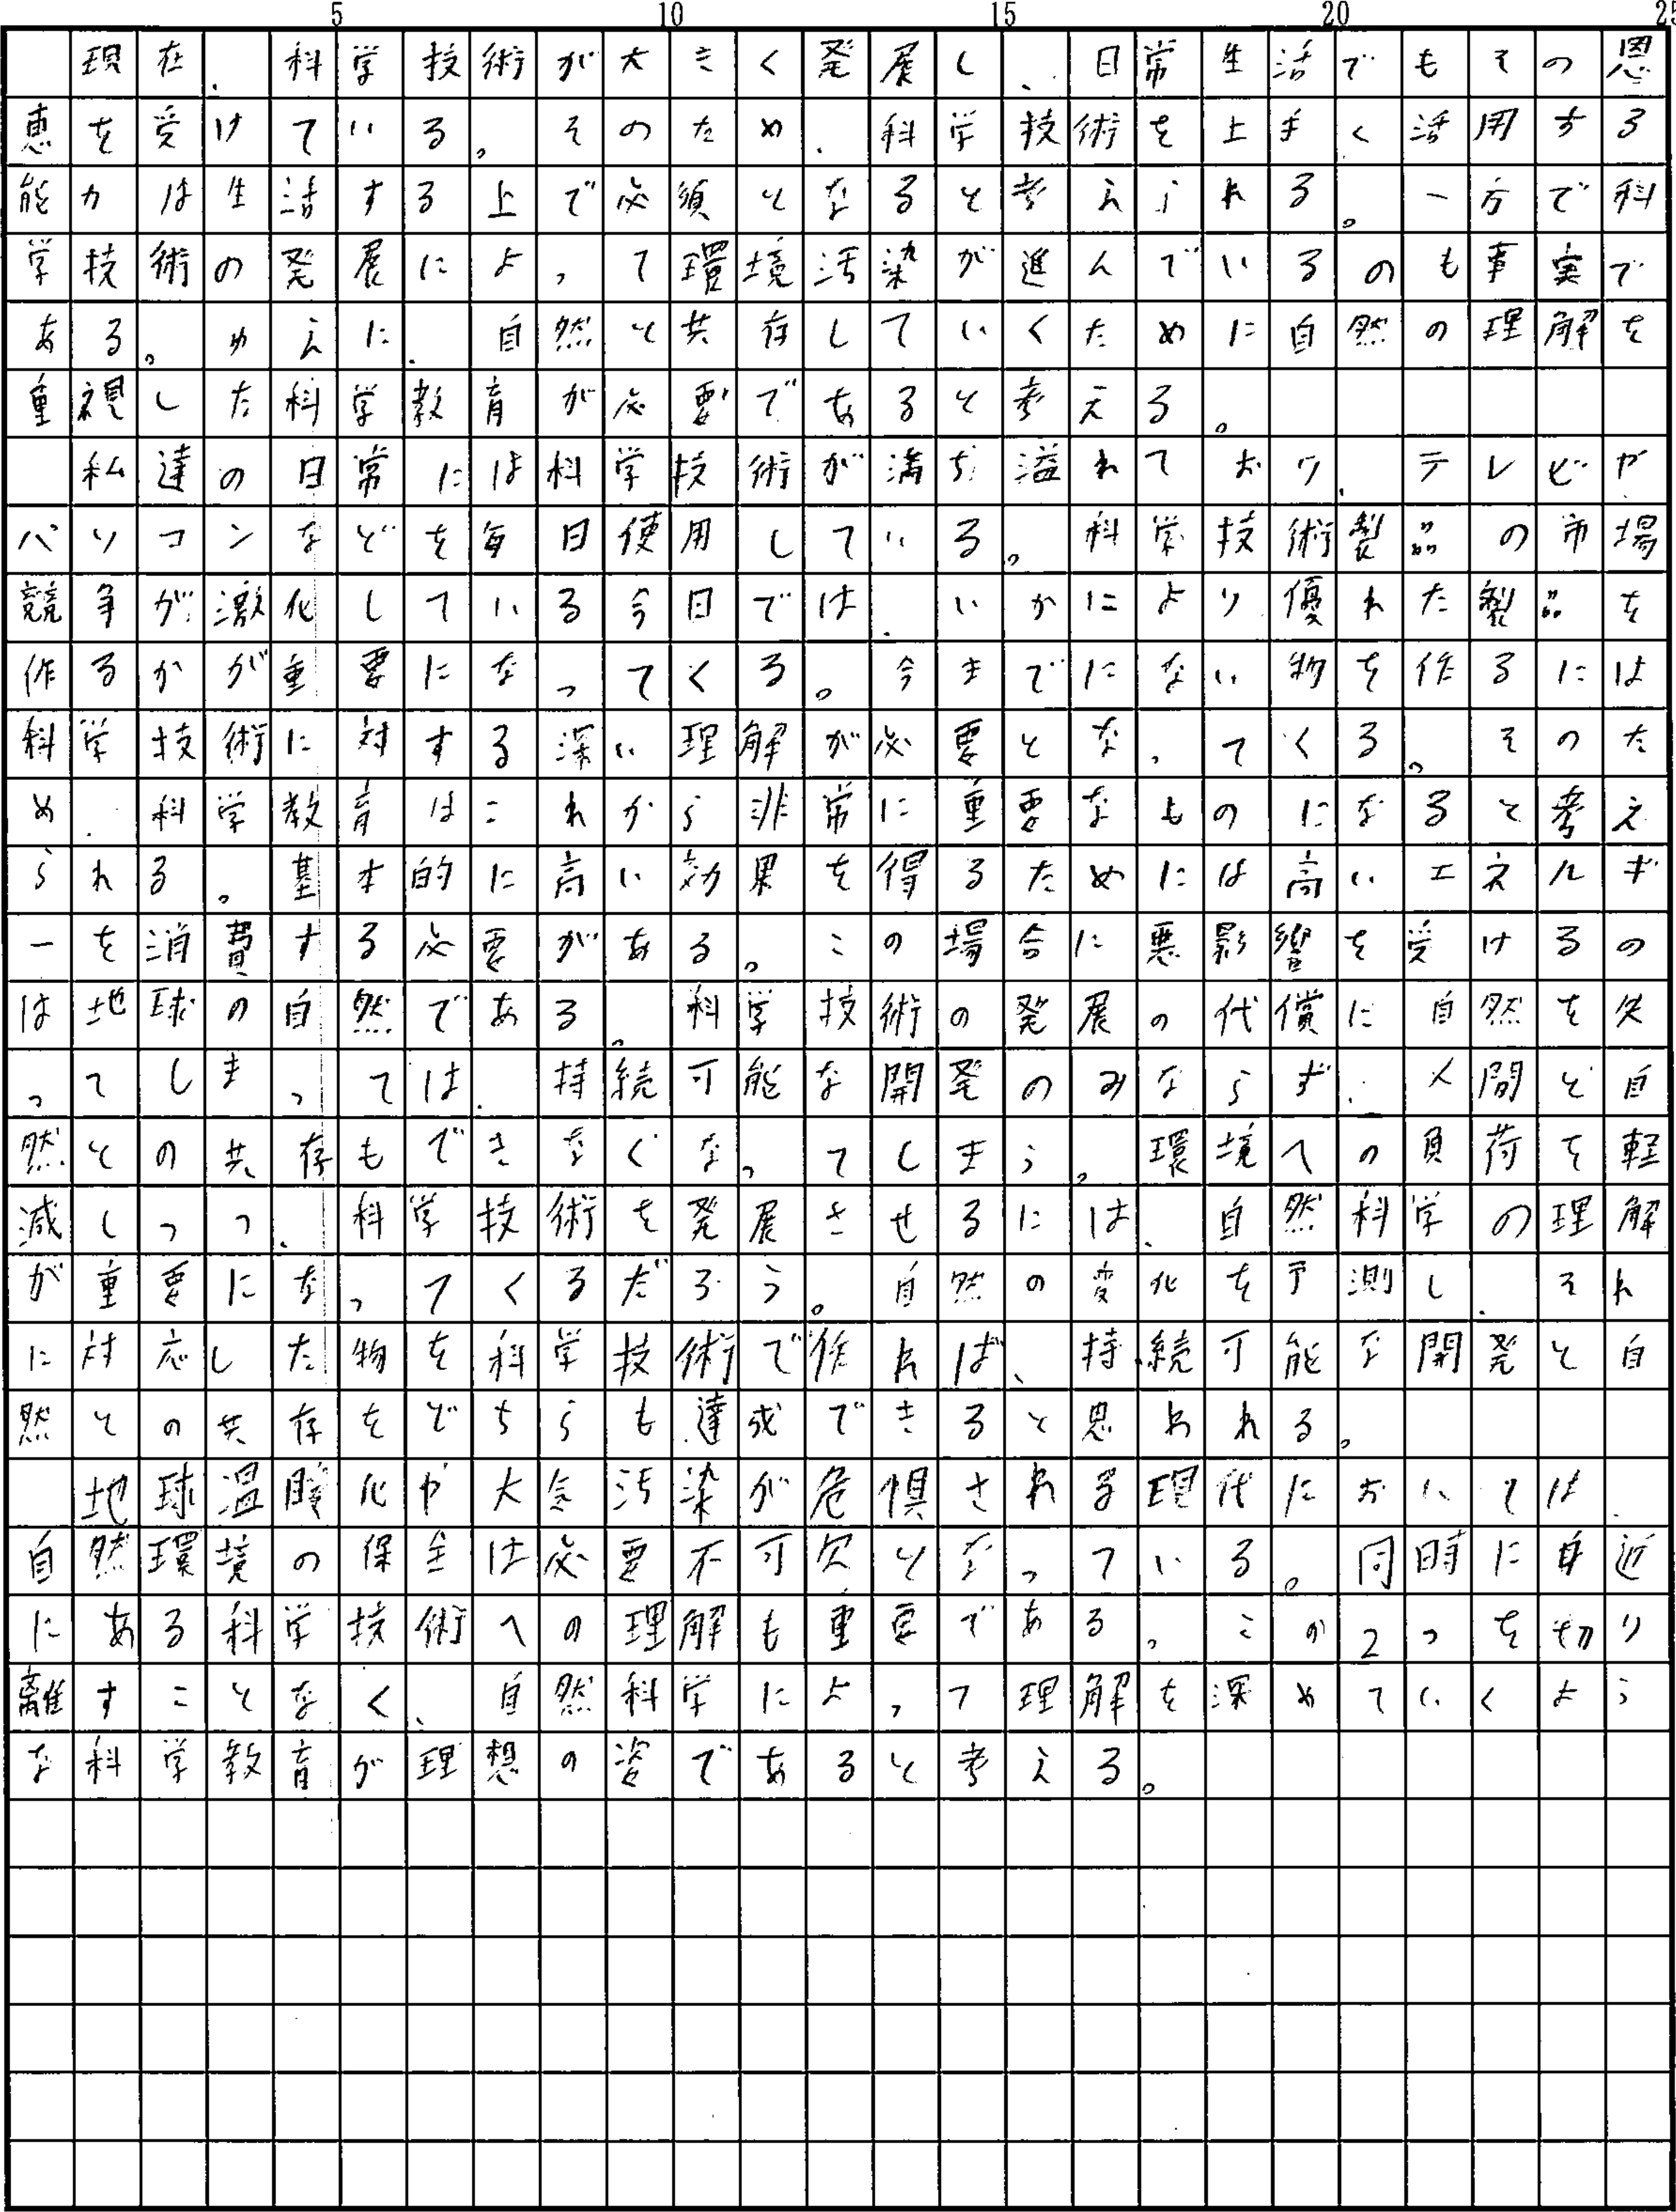　現在、科学技術が大きく発展し、日常生活でもその恩恵を受けている。そのため、科学技術を上手く活用する能力は生活する上で必須となると考えられる。一方で科学技術の発展によって環境汚染が進んでいるのも事実である。ゆえに、自然と共存していくために自然の理解を重視した科学教育が必要であると考える。
　私たちの日常には科学技術が満ち溢れており、テレビやパソコンなどを毎日使用している。科学技術製品の市場競争が激化している今日では、いかにより優れた製品を作るかが重要になってくる。今までにない物を作るには科学技術に対する深い理解が必要となってくる。そのため、科学教育はこれから非常に重要なものになると考えられる。基本的に高い効果を得るためには高いエネルギーを消費する必要がある。この場合に悪影響を受けるのは地球の自然である。科学技術の発展の代償に自然を失ってしまっては、持続可能な開発のみならず、人間と自然との共存もできなくなってしまう。環境への負荷を軽減しつつ、科学技術を発展させるには、自然科学の理解が重要になってくるだろう。自然の変化を予測し、それに対応した物を科学技術で作れば、持続可能な開発と自然との共存をどちらも達成できると思われる。
　地球温暖化や大気汚染が危惧される現代においては、自然環境の保全は必要不可欠となっている。同時に身近にある科学技術への理解も重要である。この２つを切り離すことなく、自然科学によって理解を深めていくような科学教育が理想の姿であると考える。
